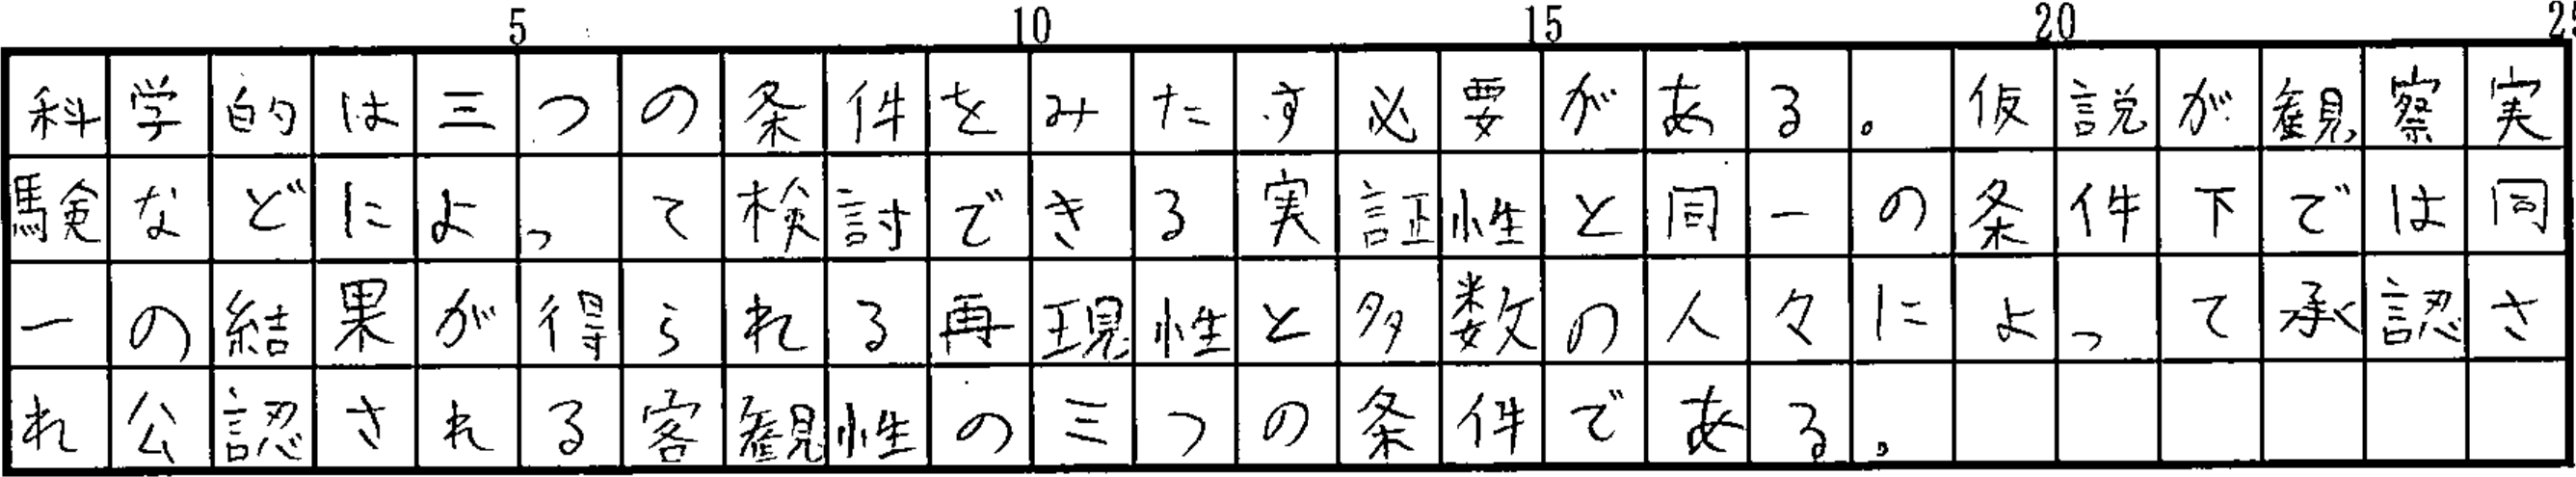科学的は三つの条件をみたす必要がある。仮説が観察実験などによって検討できる実証性と同一の条件下では同一の結果が得られる再現性と多数の人々によって承認され公認される客観性の三つの条件である。
